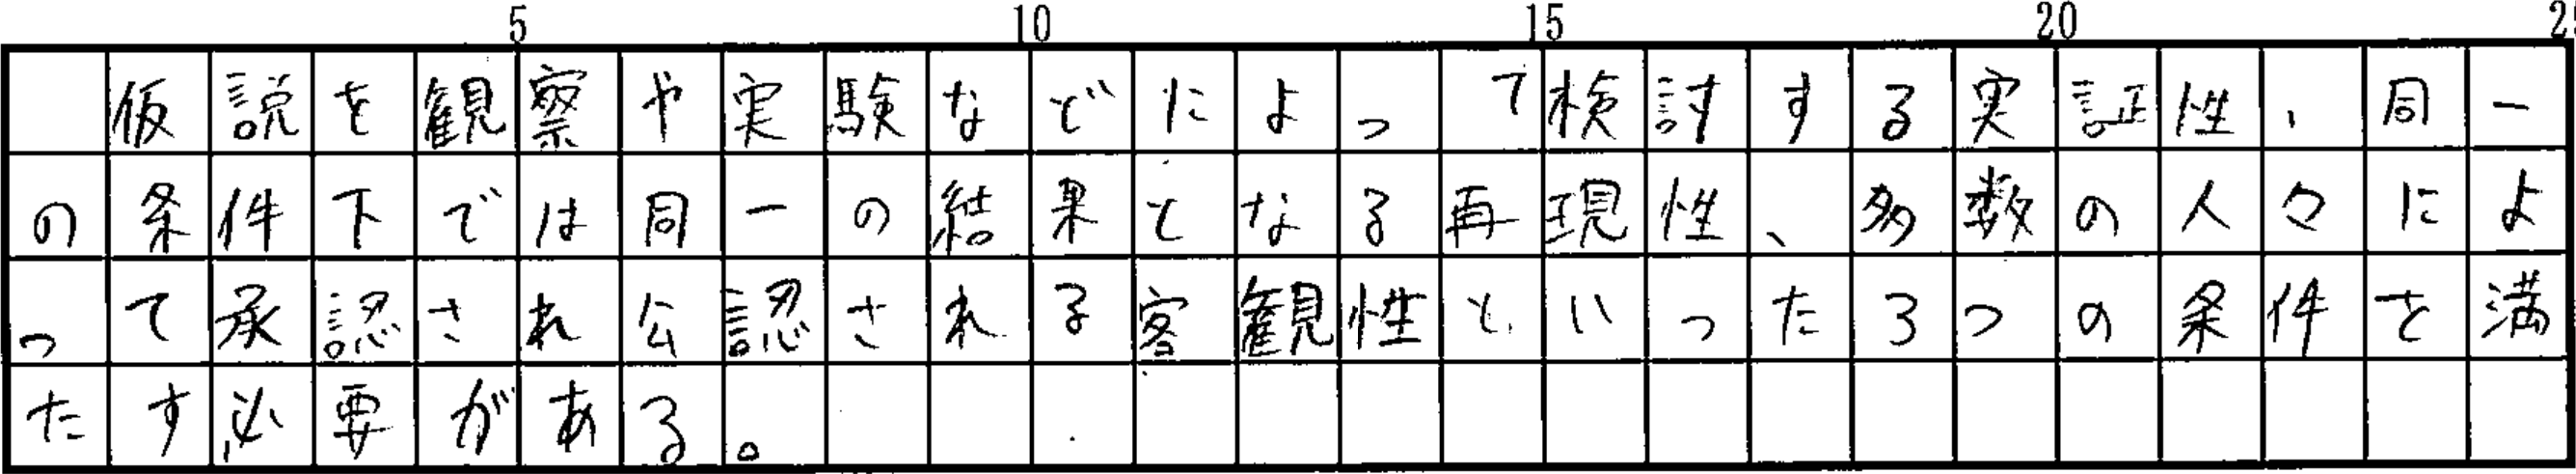　仮説を観察や実験などによって検討する実証性、同一の条件下では同一の結果となる再現性、多数の人々によって承認され公認される客観性といった３つの条件を満たす必要がある。
